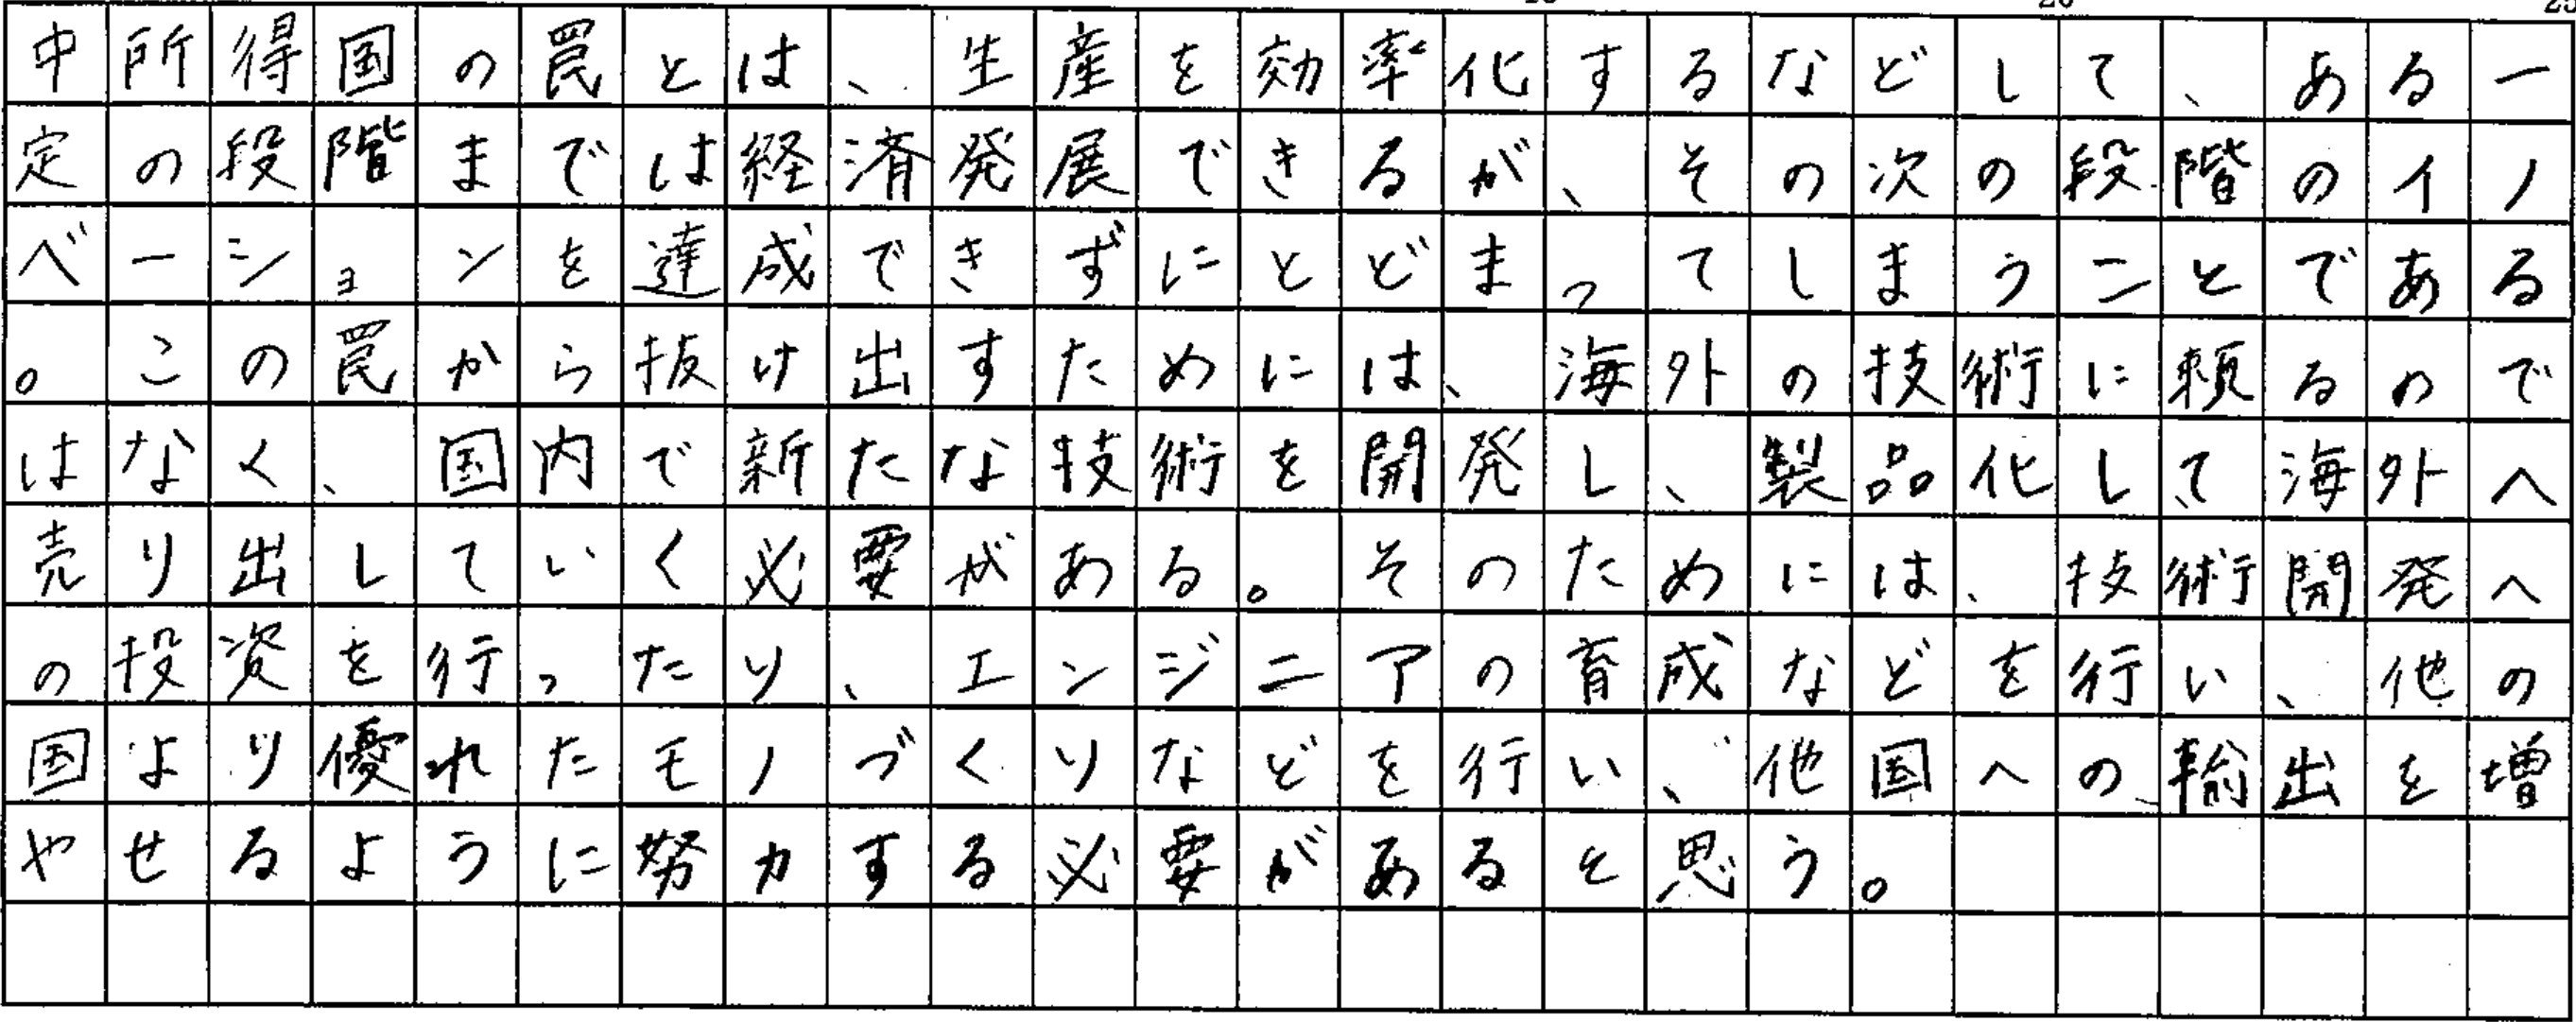中所得国の罠とは、生産を効率化するなどして、ある一定の段階までは経済発展できるが、その次の段階のイノベーションを達成できずにとどまってしまうことである。この罠から抜け出すためには、海外の技術に頼るのではなく、国内で新たな技術を開発し、製品化して海外へ売り出していく必要がある。そのためには、技術開発への投資を行ったり、エンジニアの育成などを行い、他の国より優れたモノづくりなどを行い、他国への輸出を増やせるように努力する必要があると思う。
